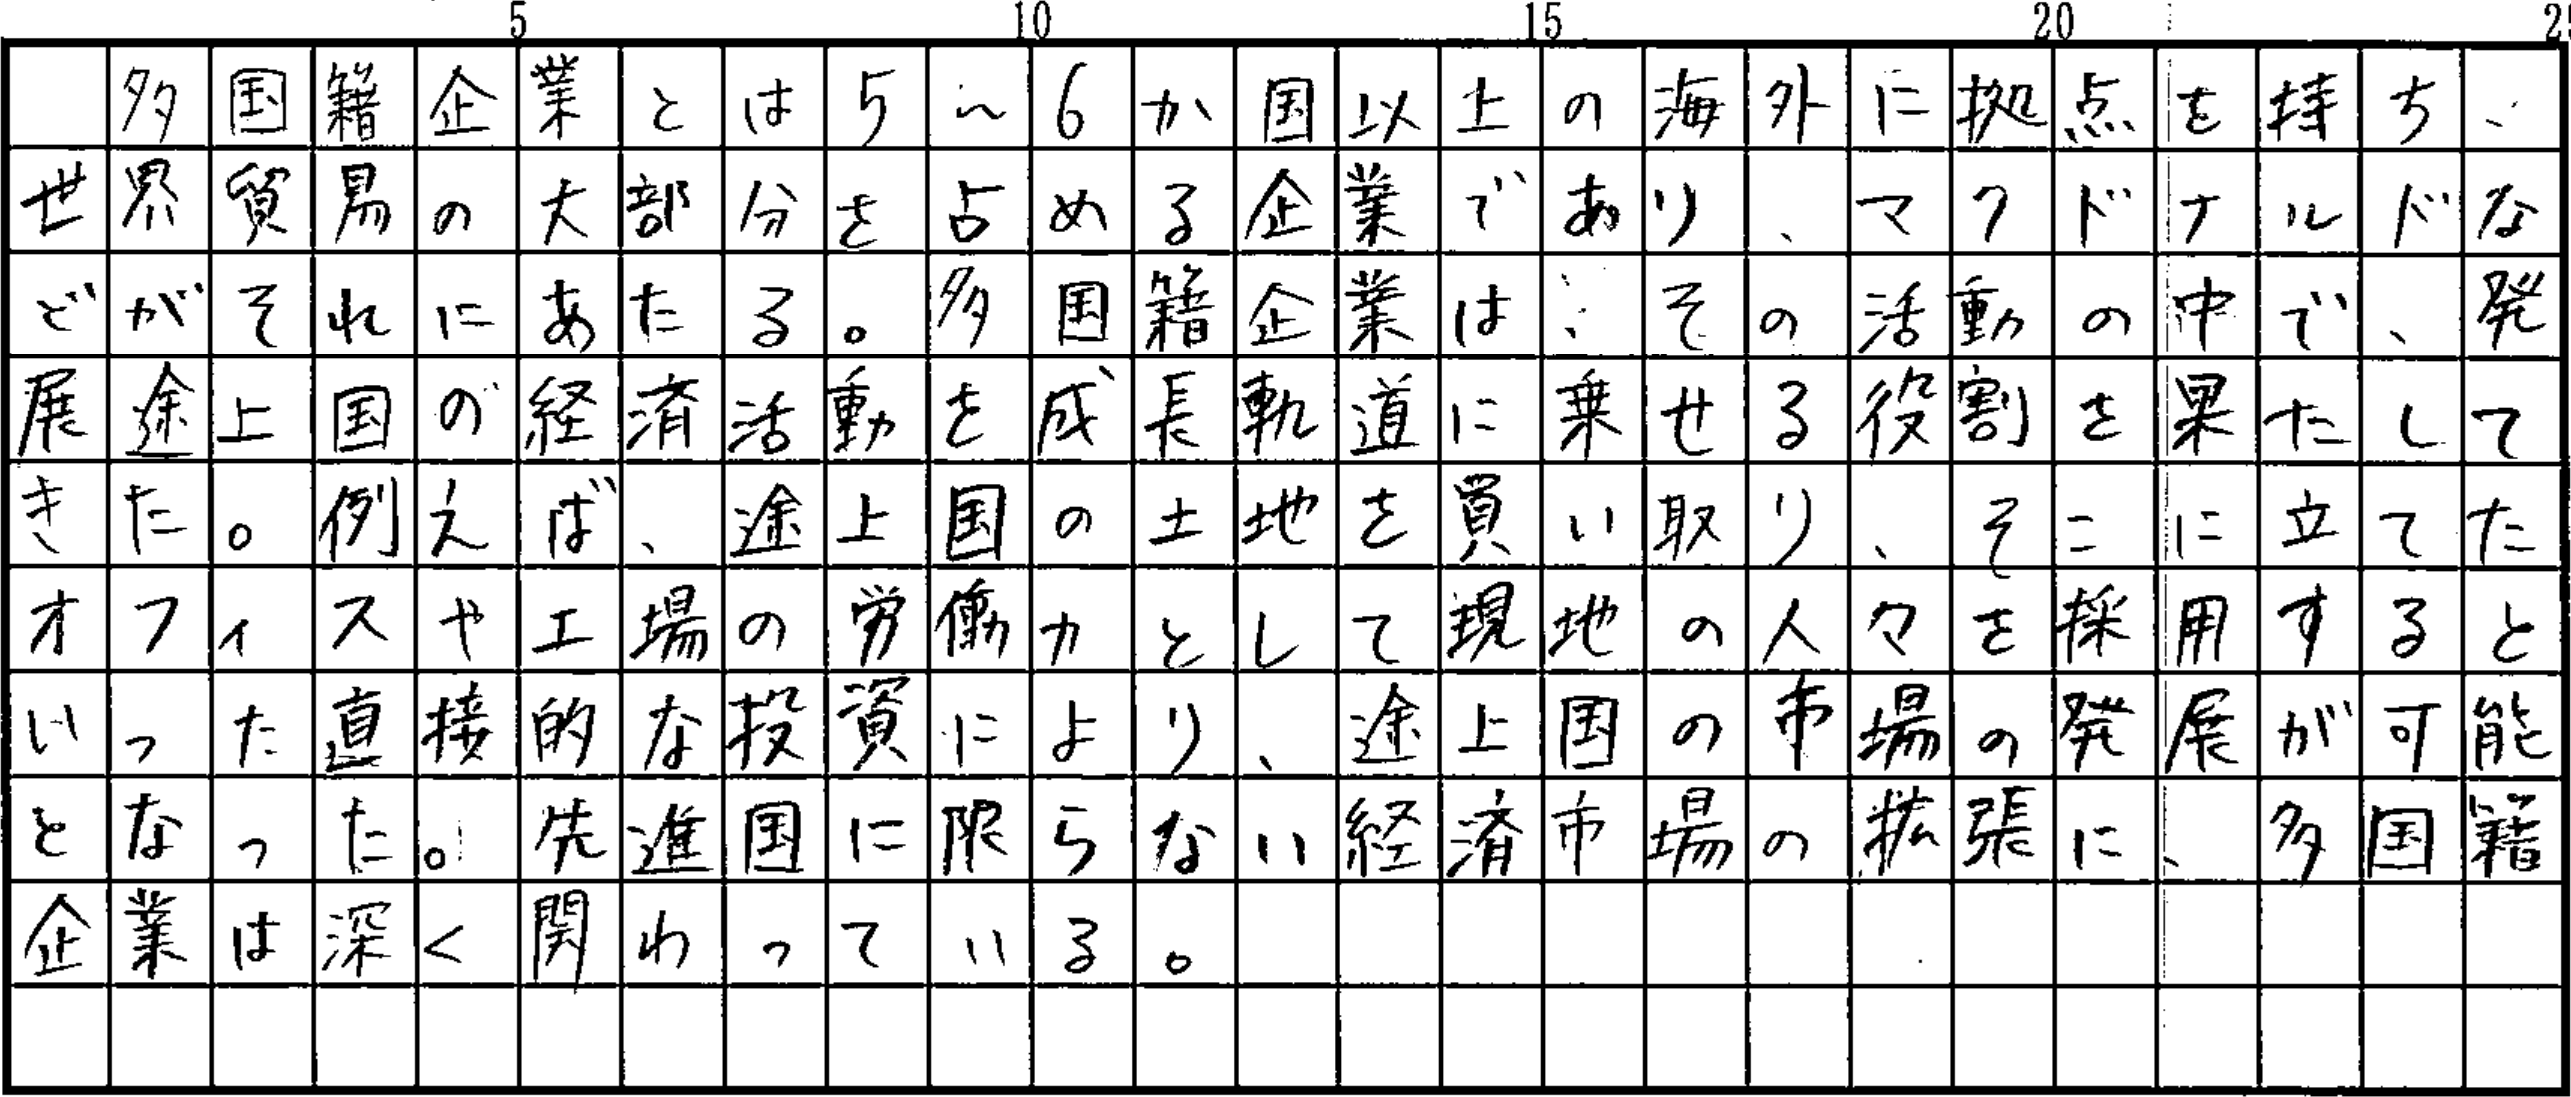 　多国籍企業とは５～６か国以上の海外に拠点を持ち、世界貿易の大部分を占める企業であり、マクドナルドなどがそれにあたる。多国籍企業は、その活動の中で、発展途上国の経済活動を成長軌道に乗せる役割を果たしてきた。例えば、途上国の土地を買い取り、そこに立てたオフィスや工場の労働力として現地の人々を採用するといった直接的な投資により、途上国の市場の発展が可能となった。先進国に限らない経済市場の拡張に、多国籍企業は深く関わっている。
